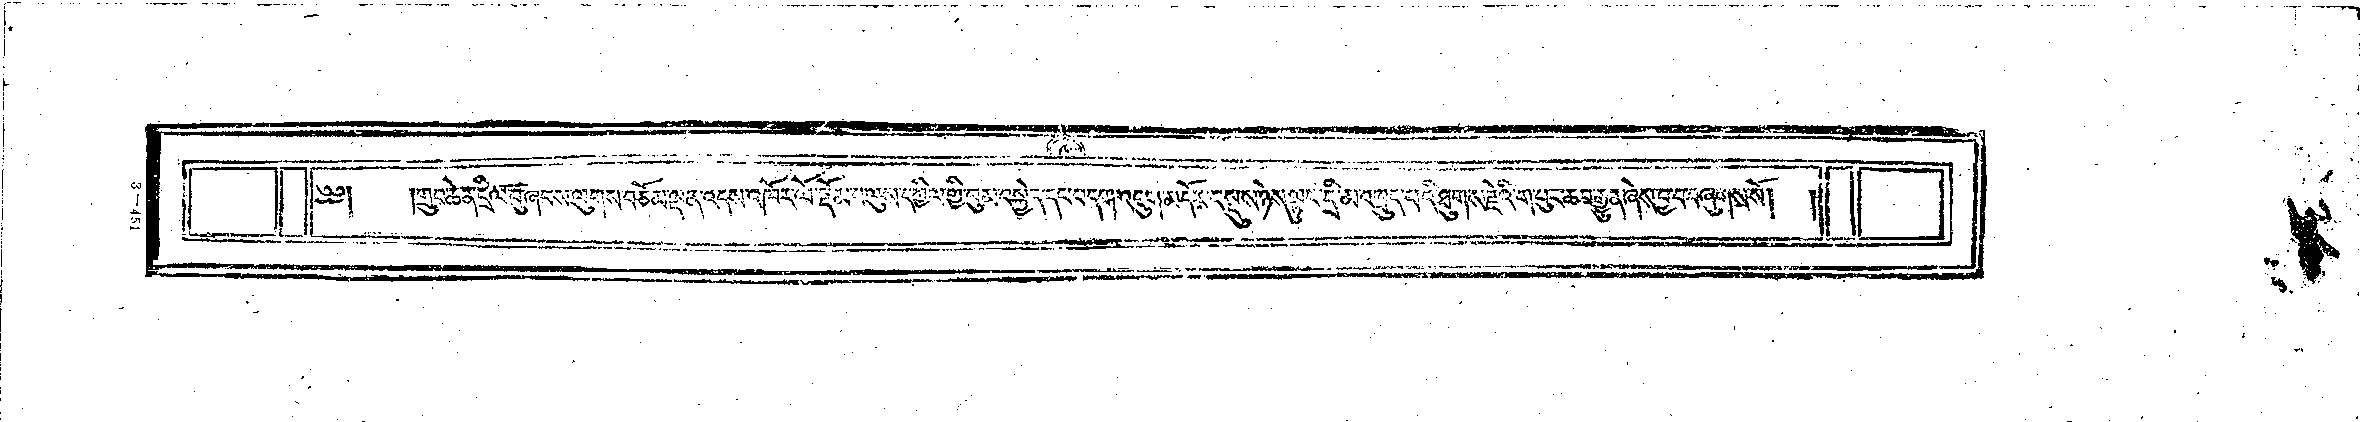༄༅། །གྲུབ་ཆེན་དྲིལ་བུ་ཞབས་ལུགས་བཅོམ་ལྡན་འདས་འཁོར་ལོ་སྡོམ་པ་ལུས་དཀྱིལ་གྱི་བུམ་བསྐྱེད་དང་བདག་འཇུག་མདོར་བསྡུས་ཉེས་ལྟུང་དྲི་མ་འཁྲུད་པའི་ཐུགས་རྗེའི་ག་པུར་ཆབ་རྒྱུན་ཞེས་བྱ་བ་བཞུགས་སོ། །